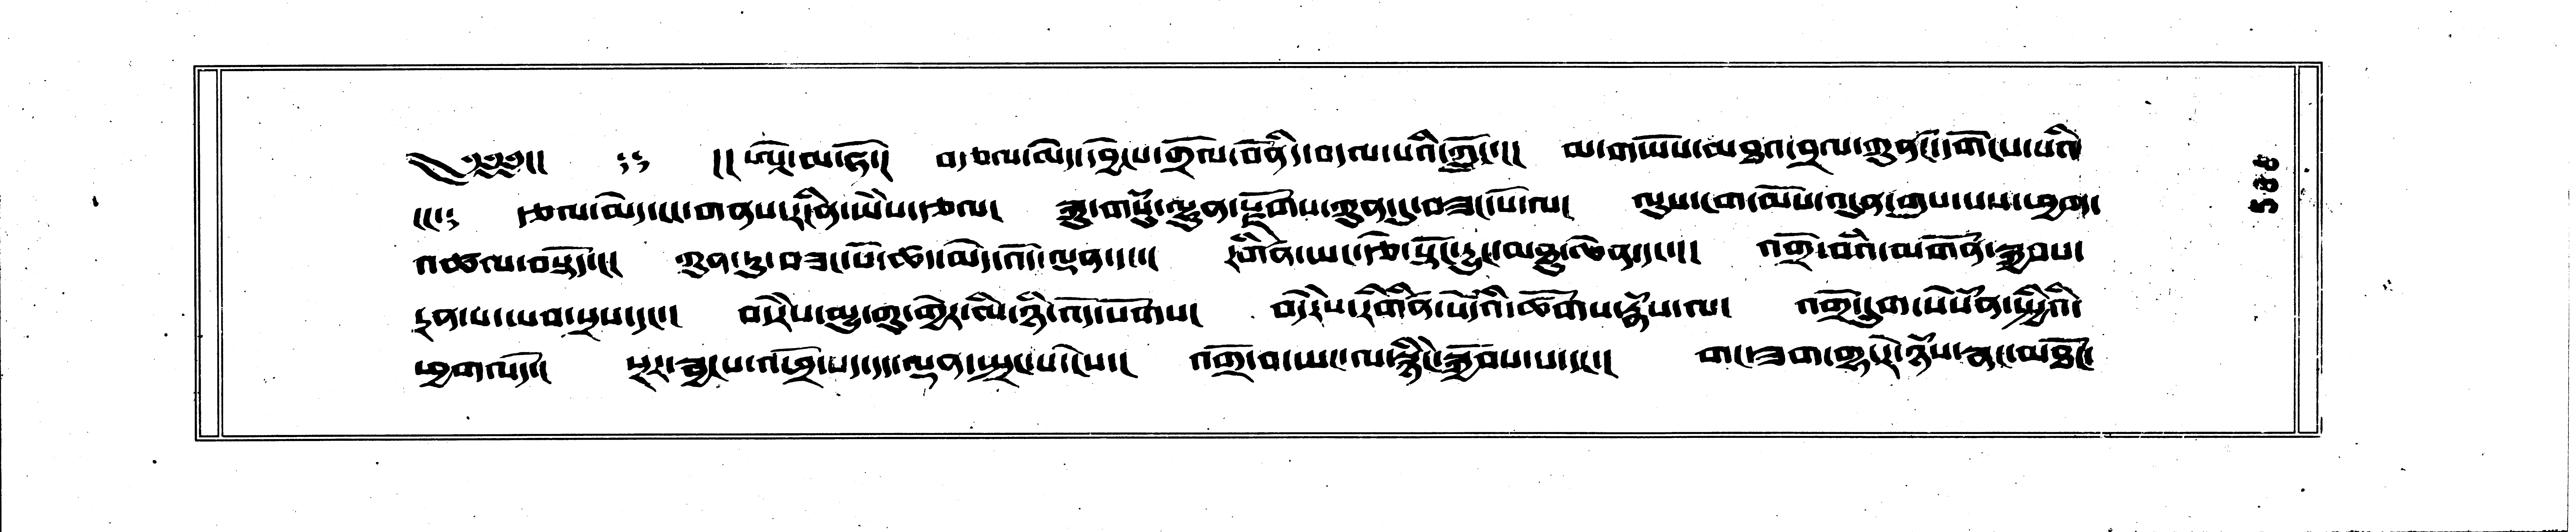ཨེ་མ་ཧོ། བརྩལ་མེད་དབྱིངས་གྲོལ་བོན་ཉིད་བདལ་བའི་ཀློངས་༼ཀློང༽། མ་གཡོས་མཐའ་བྲལ་ཀུན་བཟང་དགོངས་པའི་
མཆོག རྩོལ་མེད་ངང་ནས་རང་རིང་ཡེ་ཤེས་རྩལ། སྐུ་གསུམ་ལྷུན་རྫོགས་ཀུན་ཏུ་བཟང་པོ་ལ། ལུས་ངག་མོས་འདུན་གུས་པས་ཕྱག་
འཚལ་བསྟོད། ཀུན་བཟང་ངོ་བོའི་ཚད་མེད་འོད་ལྡན་དང་། རིག་འཛིན་ཡང་རྩེ་སྟོང་རྒྱུང་མཐུ་ཆེན་དང་། འགྲོ་བའི་མགོན་སྐྱབས་
དྲན་པ་ཡབ་སྲས་དང་། བདེར་གཤེགས་མྱུ་གུ་གྱེར་མི་ཉི་འོད་སོགས། བདེར་གཤེགས་རིག་འཛིན་སེམས་དཔའི་ཚོགས་རྣམས་ལ། མ་ལུས་འགྲོ་དྲུག་སེམས་ཅན་སྤྱིའི་
ཕྱག་འཚལ་བསྟོད། སྔར་སྦྱང་འཕྲོ་སད་སྤྲང་པོ་དད་ལྡན་ངས། འགྲོ་བ་ཡོངས་ལ་སྙིང་རྗེ་སྐྱེས་པ་དང་། གང་ཟག་གྷའ་(འགའ)རེའི་ཉམས་སྣང་མཐོང་